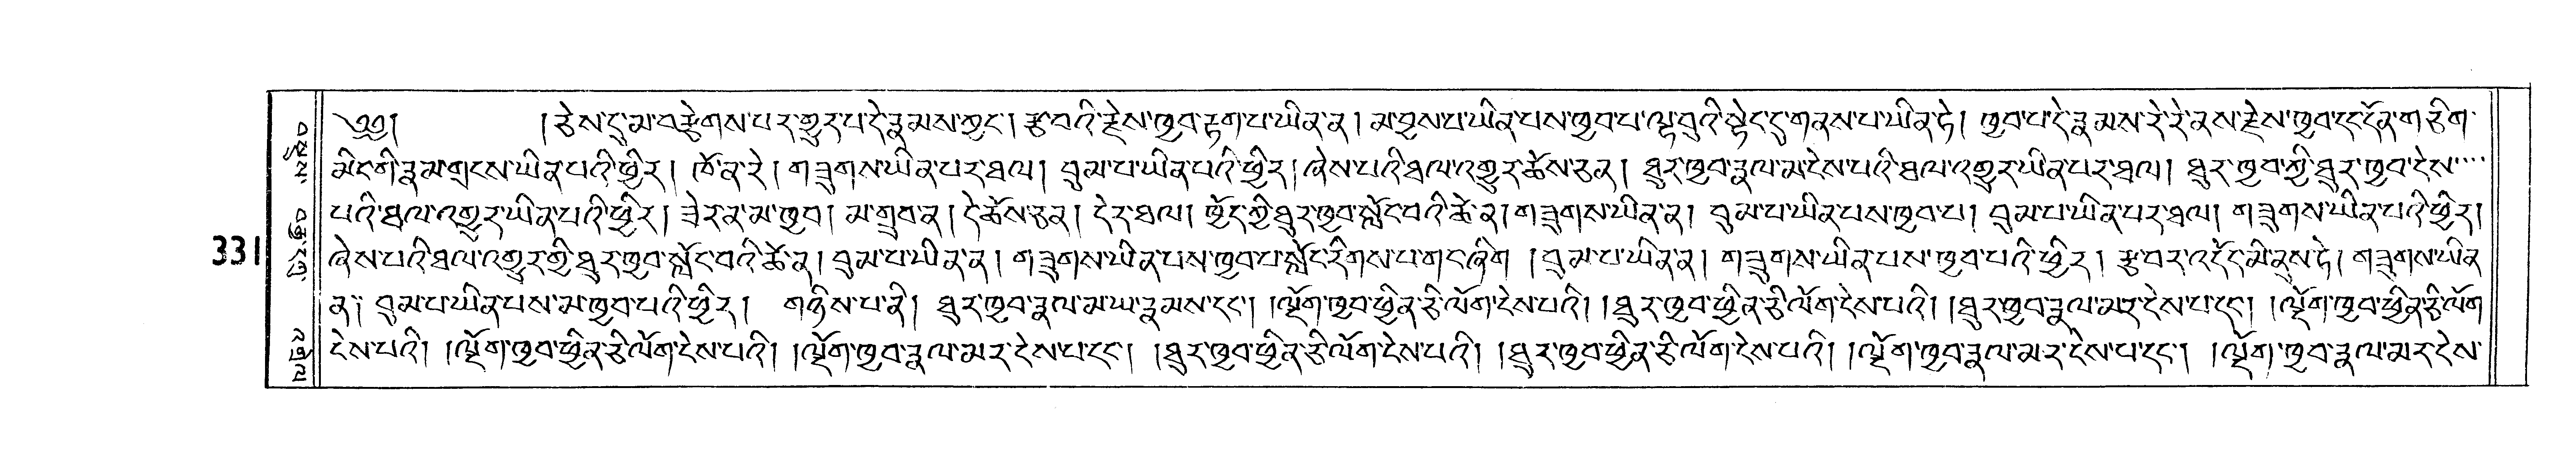༄༅། །ཅེས་དུ་མ་བརྩེགས་པར་གྱུར་པ་དེ་རྣམས་ཀྱང་། རྩ་བའི་རྗེས་ཁྱབ་རྟག་པ་ཡིན་ན། མ་བྱས་པ་ཡིན་པས་ཁྱབ་པ་ལྟ་བུའི་སྟེང་དུ་གནས་པ་ཡིན་ཏེ། ཁྱབ་པ་དེ་རྣམས་རེ་རེ་ནས་རྗེས་ཁྱབ་དང་དོན་གཅིག་
མིང་གི་རྣམ་གྲངས་ཡིན་པའི་ཕྱིར། ཁོ་ན་རེ། གཟུགས་ཡིན་པར་ཐལ། བུམ་པ་ཡིན་པའི་ཕྱིར། ཞེས་པའི་ཐལ་འགྱུར་ཆོས་ཅན། ཐུར་ཁྱབ་རྣལ་མ་ངེས་པའི་ཐལ་འགྱུར་ཡིན་པར་ཐལ། ཐུར་ཁྱབ་ཀྱི་ཐུར་ཁྱབ་ངེས་
པའི་ཐལ་འགྱུར་ཡིན་པའི་ཕྱིར། ཟེར་ན་མ་ཁྱབ། མ་གྲུབ་ན། དེ་ཆོས་ཅན། དེར་ཐལ། ཁྱོད་ཀྱི་ཐུར་ཁྱབ་སློང་བའི་ཚེ་ན། གཟུགས་ཡིན་ན། བུམ་པ་ཡིན་པས་ཁྱབ་པ། བུམ་པ་ཡིན་པར་ཐལ། གཟུགས་ཡིན་པའི་ཕྱིར།
ཞེས་པའི་ཐལ་འགྱུར་གྱི་ཐུར་ཁྱབ་སློང་བའི་ཚེ་ན། བུམ་པ་ཡིན་ན། གཟུགས་ཡིན་པས་ཁྱབ་པ་སློང་རིགས་པ་གང་ཞིག །བུམ་པ་ཡིན་ན། གཟུགས་ཡིན་པས་ཁྱབ་པའི་ཕྱིར། རྩ་བར་འདོད་མི་ནུས་ཏེ། གཟུགས་ཡིན་
ན༑ བུམ་པ་ཡིན་པས་མ་ཁྱབ་པའི་ཕྱིར། གཉིས་པ་ནི། ཐུར་ཁྱབ་རྣལ་མ་ཡ་རྣམས་དང་། །ལྡོག་ཁྱབ་ཕྱིན་ཅི་ལོག་ངེས་པའི། །ཐུར་ཁྱབ་ཕྱིན་ཅི་ལོག་ངེས་པའི། །ཐུར་ཁྱབ་རྣལ་མར་ངེས་པ་དང་། །ལྡོག་ཁྱབ་ཕྱིན་ཅི་ལོག་
ངེས་པའི། །ལྡོག་ཁྱབ་ཕྱིན་ཅི་ལོག་ངེས་པའི། །ལྡོག་ཁྱབ་རྣལ་མར་ངེས་པ་དང་། །ཐུར་ཁྱབ་ཕྱིན་ཅི་ལོག་ངེས་པའི། །ཐུར་ཁྱབ་ཕྱིན་ཅི་ལོག་ངེས་པའི། །ལྡོག་ཁྱབ་རྣལ་མར་ངེས་པ་དང་། །ལྡོག་ཁྱབ་རྣལ་མར་ངེས་